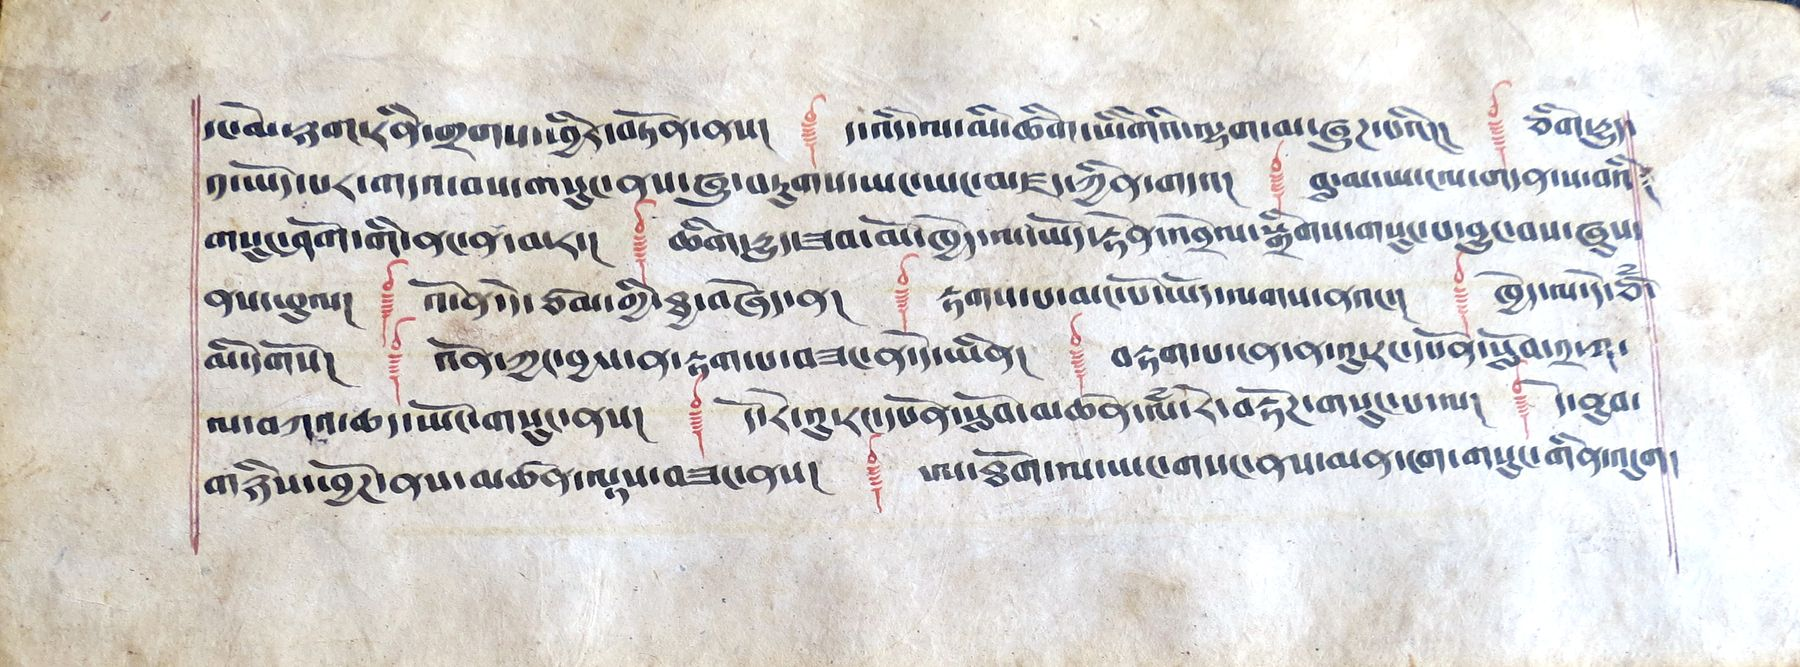དང་མེ་ཉག་རིན་གྲགས་ཕྱིར་བཏོན་ནས། ད་འདི་ལ་མི་ཚིག་ཡི་གེའི་ལྷད་མ་ཞུགས་པའི། གཅིག་བརྒྱུད་
གཅིག་ཡོད་པར་གདའ་བས་གསུངས་ནས་ཞུ་གཏུགས་ཡང་ཡང་མཛད་ཀྱིན་གདའ། བླ་མ་ཡ་ངལ་བ་གདན་ས་བའི་
གསུང་ཤོག་གིས་ནང་ནས་མར། གཅིག་བརྒྱུད་ཟབ་མོ་ཁྱེད་ལ་ཡོད། རྟེན་འབྲེལ་སྒྲིགས་གསུང་པ་བྱུང་པས་ཞུ་བ་
ནས་ཕུལ། འོ་ན་དེ་ཙམ་གྱིས་ཐུགས་ཀྱིས་བཞེད་ན། བརྟག་པ་མང་པོ་ཡོད་ན་ཡང་། ཁྱེད་ལ་དེ་ཙམ་
མི་དགོས། འོན་ཀྱང་བྱས་ན་བརྟག་པ་བཟང་ན་དེ་ཡིན། བརྟག་པ་ངན་ན་འུ་རང་དཔོན་སློབ་གཉིས་ཀ་
ལ་བཀའ་ཆད་འོང་གསུངས་ནས། དོ་རེད་འུ་རང་དཔོན་སློབ་གཉིས་མཚན་ལམ་རེ་རྟོགས་གསུངས་པ་ལ། དེ་ནུབ་
གཉིས་ཀས་ཕྱོགས་ཕྱོགས་ནས་མཚན་ལྟས་བཟང་ནས། ཨ་ཐོག་ལ་ཡང་གསང་ནས་མན་ངག་གསུངས་གིན་འདུག